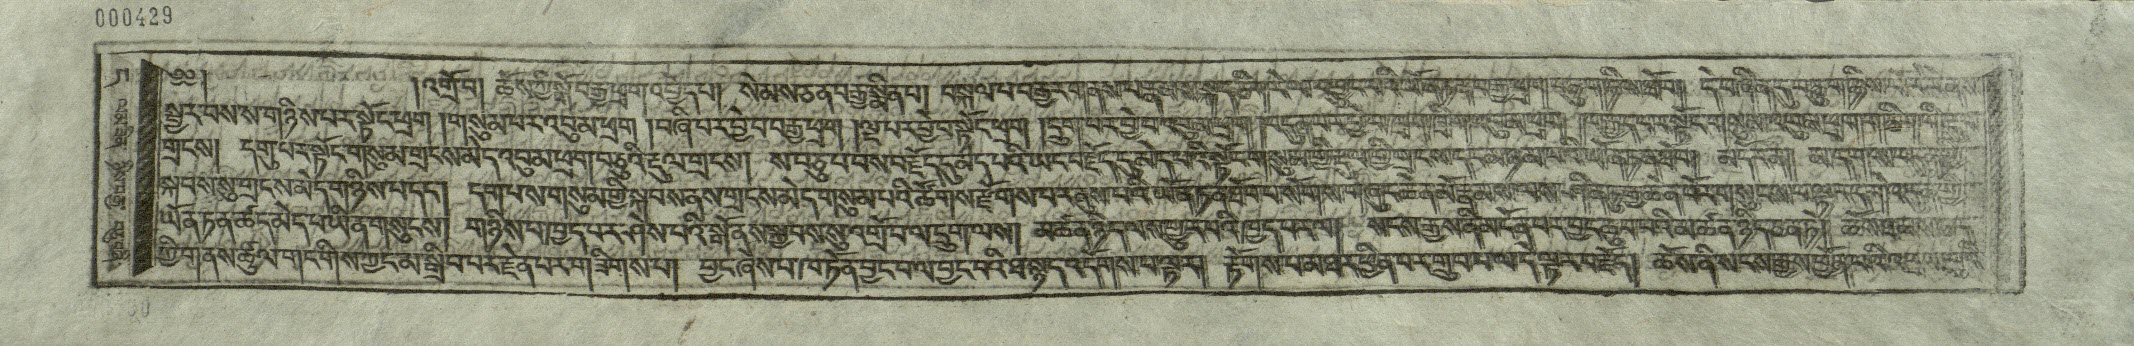༄༅། །འགྲོ་བ། ཆོས་ཀྱི་སྒོ་བརྒྱ་ཕྲག་འབྱེད་པ། སེམས་ཅན་བརྒྱ་སྨིན་པ། བསྐལ་པ་བརྒྱར་གནས་པ་རྣམས་སྐད་ཅིག་རེ་ལ་འབྱུང་བའི་ཡོན་ཏན་བརྒྱ་ཕྲག་བཅུ་གཉིས་ཐོབ། དེ་བཞིན་དུ་བཅུ་གཉིས་པོ་རེ་རེ་ནས་
སྦྱར་བས་ས་གཉིས་པར་སྟོང་ཕྲག །གསུམ་པར་འབུམ་ཕྲག །བཞི་པར་བྱེ་བ་བརྒྱ་ཕྲག །ལྔ་པར་བྱེ་བ་སྟོང་ཕྲག །དྲུག་པར་བྱེ་བ་འབུམ་ཕྲག །བདུན་པར་བྱེ་བ་ཁྲག་ཁྲིག་འབུམ་ཕྲག །བརྒྱད་པར་སྟོང་གསུམ་འབུམ་ཕྲག་གཅིག་གི་རྡུལ་
གྲངས། དགུ་པར་སྟོང་གསུམ་གྲངས་མེད་འབུམ་ཕྲག་བཅུའི་རྡུལ་གྲངས། ས་བཅུ་པ་བས་བརྗོད་དུ་མེད་པའི་ཡང་བརྗོད་དུ་མེད་པའི་སྟོང་གསུམ་གྱི་རྡུལ་གྱི་གྲངས་དང་མཉམ་པའི་ཡོན་ཏན་ཐོབ། མདོར་ན། མ་དག་ས་བདུན་གྱི་
སྐབས་སུ་གྲངས་མེད་གཉིས་པ་དང་། དག་པ་ས་གསུམ་གྱི་སྐབས་ནས་གྲངས་མེད་གསུམ་པའི་ཚོགས་རྫོགས་པར་ནུས་པའི་ཡོན་ཏན་ཐོབ་པ་སོགས་གཞུང་ཆེན་མོ་རྣམས་ལས་ཤིན་ཏུ་རྒྱ་ཆེན་པོར་གསུངས་པ་ལྟར་དགེ་འདུན་གྱི་
ཡོན་ཏན་ཚད་མེད་པ་ཡིན་གསུངས། གཉིས་པ་ཁྱད་པར་ཤེས་པའི་སྒོ་ནས་སྐྱབས་སུ་འགྲོ་བ་ལ་དྲུག་ལས། མཚན་ཉིད་ལས་གྱུར་པའི་ཁྱད་པར་ལ། སངས་རྒྱས་ནི་མངོན་པར་བྱང་ཆུབ་པའི་མཚན་ཉིད་ཅན་ཏེ། ཆོས་ཐམས་ཅད་
ཀྱི་གནས་ཚུལ་གང་གིས་ཀྱང་མ་སྒྲིབ་པར་རྗེན་པར་གཟིགས་པ། བྱང་ཞེས་པ་ཁ་ཏོན་བྱང་བ་ལ་བྱང་བའི་ཐ་སྙད་འདོགས་པ་ལྟར། རྟོགས་པ་མཐར་ཕྱིན་པར་གྲུབ་པ་ལ་དེ་ལྟར་བརྗོད། ཆོས་ནི་སངས་རྒྱས་བྱོན་པའི་འབྲས་བུའི་